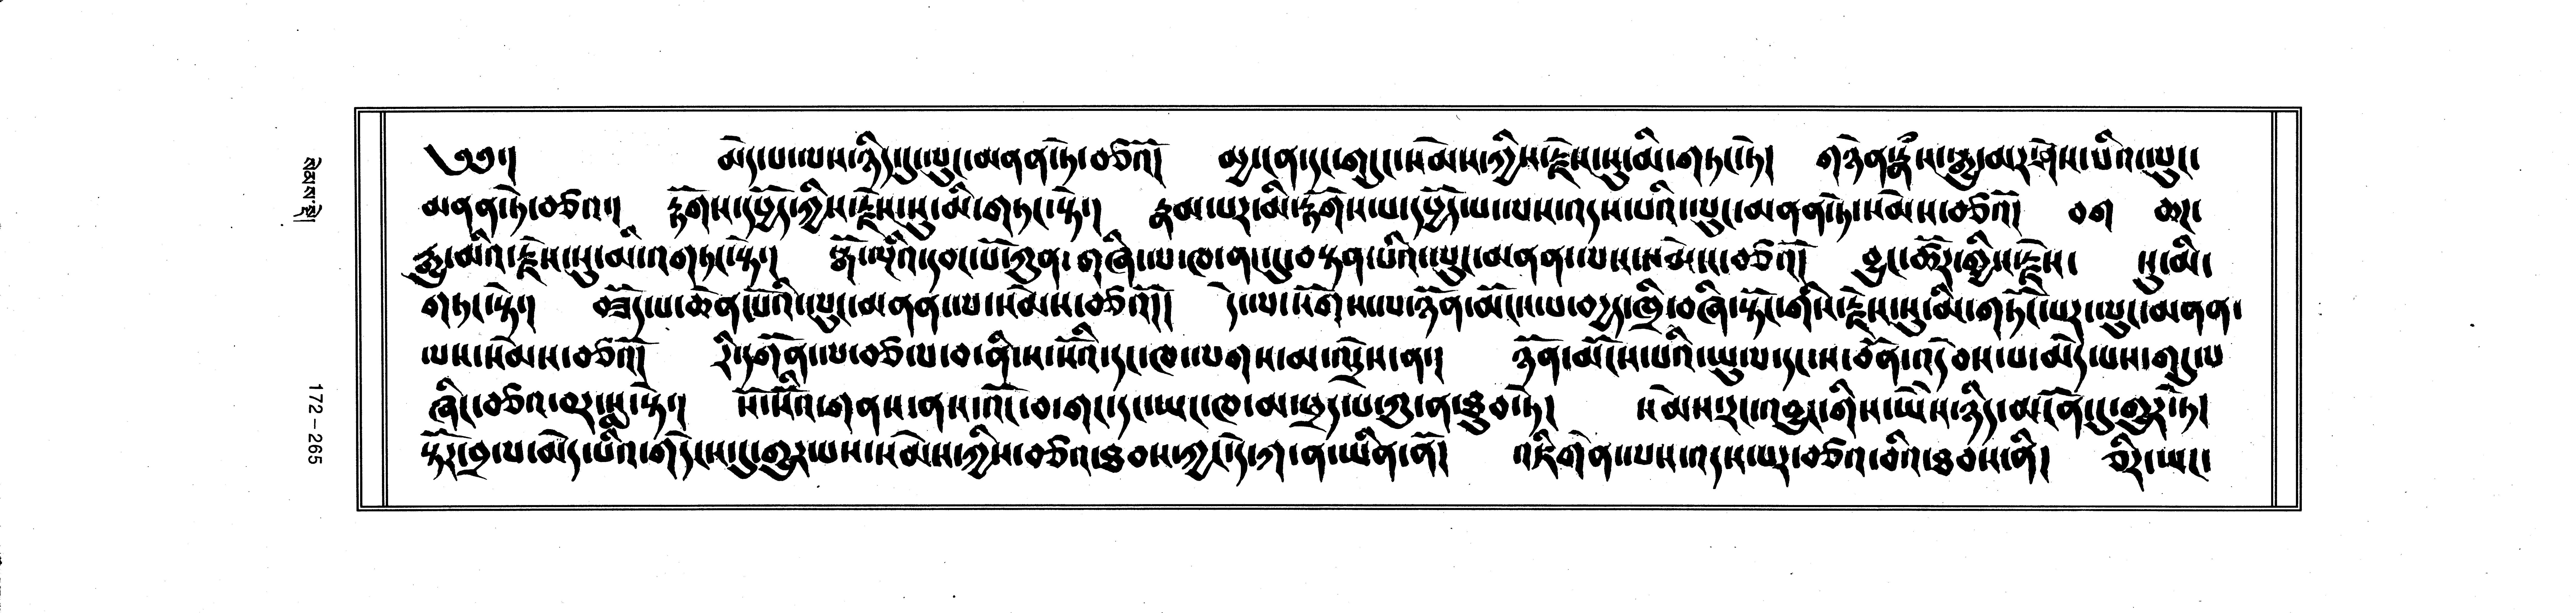པ་ལས་ཉིད་དུ་ལུང་མནན་ཏེ་བཙའོ། མྱ་ངན་དང་གདུང་སེམས་ཀྱིས་རྗེས་སུ་མི་གཏང་ཏེ། གཉེན་རྣམས་སྒྱུ་མར་ཤེས་པའི་ལུང་
མནན་ཏེ་བཙའ། རྟོགས་དཔྱོད་ཀྱིས་རྗེས་སུ་མི་གཏང་སྟེ། རྣམ་པར་མི་རྟོགས་པ་དཔྱོད་པ་ལས་འདས་པའི་ལུང་མནན་ཏེ་སེམས་བཙའོ། བག་ཆགས་
རྒྱུ་མའི་རྗེས་སུ་མི་གཏང་སྟེ། སྒོ་ལྔའི་དབང་པོ་ཀུན་གཞི་ལ་ཁ་ནང་དུ་བསྟན་པའི་ལུང་མནན་ལས་སེམས་བཙའོ། བྱུང་ཚོར་གྱིས་རྗེས་སུ་མི་
གཏང་སྟེ། བཟོད་པ་ཆེན་པོའི་ལུང་མནན་ལས་སེམས་བཙའོ། དེ་ལ་སོགས་པ་ཉོན་མོངས་པ་བརྒྱད་ཁྲི་བཞི་སྟོང་གིས་རྗེས་སུ་མི་གཏོང་པར་ལུང་མནན་
ལས་སེམས་བཙའོ། རི་དགོན་ལ་བཙལ་བ་ནི་སོ་སོའི་དང་ཁ་ལག་མ་འདྲེས་ན། ཉོན་མོངས་པའི་ཡུལ་དང་ས་བོན་འདེབས་པ་མེད་པས་གདུལ་
ཞིང་བཙའ་བར་སླ་སྟེ། སོ་སོའི་གནས་ནས་འོང་བ་གང་དང་ཡང་ཁ་མ་ཕྲད་པ་ཀུན་ན་ཐུབ་ཏེ། སེམས་རང་འབྱུང་གིས་ཡེ་ཤེས་ཉིད་མངོན་དུ་གྱུར་ཏེ། 
སྟོར་བྲལ་མེད་པའི་གདེང་དུ་གྱུར་པས་སེམས་ཀྱིས་བཙའ་ཐབས་ཀྱང་དེ་ཀ་ན་ཡིན་ནོ། འཇིག་རྟེན་ལས་འདས་པར་བཙའ་བའི་ཐབས་ནི། ཅིར་ཡང་